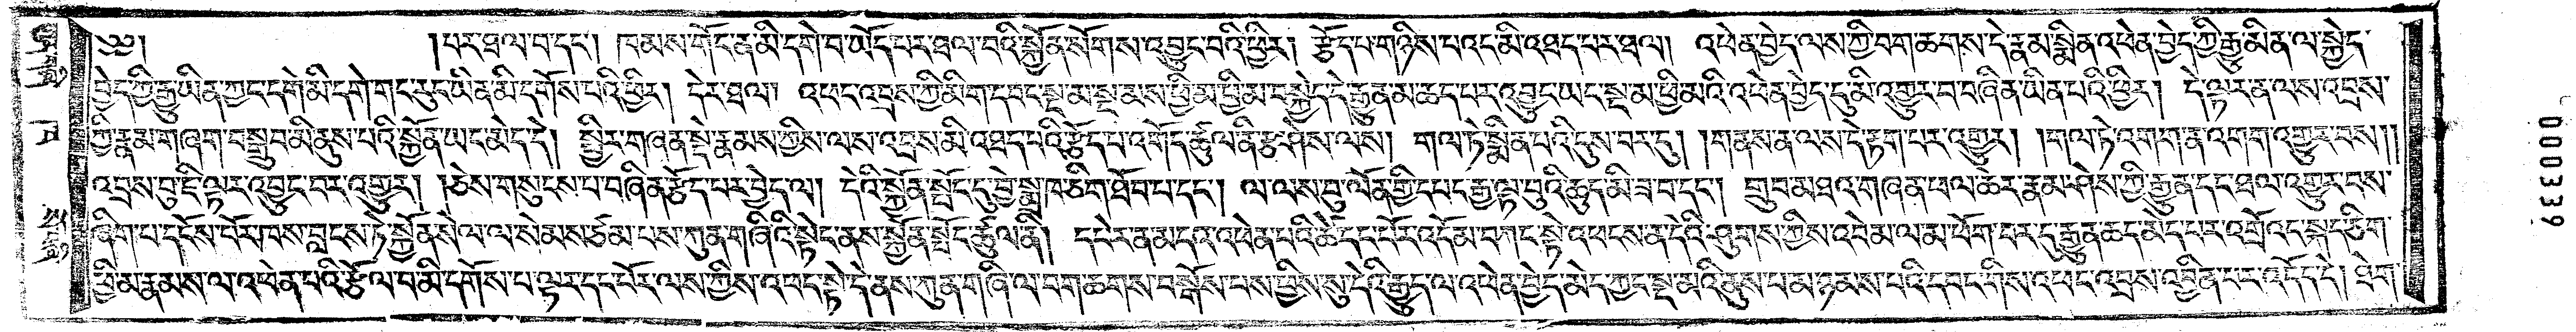༄༅། །པར་ཐལ་བ་དང་། ཁམས་གོང་ན་མི་དགེ་བ་ཡོད་པར་ཐལ་བའི་སྐྱོན་སོགས་འབྱུང་བའི་ཕྱིར། རྩོད་པ་གཉིས་པའང་མི་འཐད་པར་ཐལ། འཕེན་བྱེད་ལས་ཀྱི་བག་ཆགས་དེ་རྣམ་སྨིན་འཕེན་བྱེད་ཀྱི་རྒྱུ་མིན་ལ་སྐྱེད་
བྱེད་ཀྱི་རྒྱུ་ཡིན་ཀྱང་དགེ་མི་དགེ་གང་རུང་ཡིན་མི་དགོས་པའི་ཕྱིར། དེར་ཐལ། འཕང་འབྲས་ཀྱི་མིག་དབང་སྔ་མ་སྔ་མས་ཕྱི་མ་ཕྱི་མ་བསྐྱེད་དེ་རྒྱུན་མ་ཆད་པར་འབྱུང་ཡང་སྔ་མ་ཕྱི་མའི་འཕེན་བྱེད་དུ་མི་འགྱུར་བ་བཞིན་ཡིན་པའི་ཕྱིར། དེ་ལྟར་ན་ལས་འབྲས་
ཀྱི་རྣམ་གཞག་བསྒྲུབ་མི་ནུས་པའི་སྐྱོན་མང་མེད་དེ། སྤྱིར་གཞན་སྡེ་རྣམས་ཀྱིས་ལས་འབྲས་མི་འཐད་པའི་རྩོད་པ་འགོད་ཚུལ་ནི་རྩ་ཤེས་ལས། གལ་ཏེ་སྨིན་པའི་དུས་བར་དུ། །གནས་ན་ལས་དེ་རྟག་པར་འགྱུར། །གལ་ཏེ་འགག་ན་འགག་འགྱུར་བས། །
འབྲས་བུ་ཇི་ལྟར་འབྱུང་བར་འགྱུར། །ཅེས་གསུངས་པ་བཞིན་རྩོད་པར་བྱེད་ལ། དེའི་སྐྱོན་སྤོང་དུ་བྱེ་སྨྲ་ཁ་ཅིག་ཐོབ་པ་དང་། ལ་ལས་བུ་ལོན་གྱི་དཔང་རྒྱ་ལྟ་བུའི་ཆུད་མི་ཟ་བ་དང་། གྲུབ་མཐའ་གཞན་ཕལ་ཆེར་རྣམ་ཤེས་ཀྱི་རྒྱུན་དང་ཐལ་འགྱུར་བས་
ཞིག་པ་དངོས་པོར་ཁས་བླངས་ཏེ་སྐྱོན་སེལ་ལ་སེམས་ཙམ་པས་ཀུན་གཞིའི་སྟེང་ནས་སྐྱོན་སྤོང་ཚུལ་ནི། དཔེར་ན་མདའ་འཕེན་པའི་ཚེ་དང་པོར་འདོམ་བཀང་སྟེ་འཕངས་ན་དེའི་ཤུགས་ཀྱིས་འབེམ་ལམ་ཕོག་བར་དུ་རྒྱུན་ཆད་མེད་པར་འགྲོའང་སྐད་ཅིག་
ཕྱི་མ་རྣམས་ལ་འཕེན་པའི་རྩོལ་བ་མི་དགོས་པ་ལྟར་དང་པོར་ལས་ཀྱིས་འཕང་སྟེ་དེ་ནས་ཀུན་གཞི་ལ་བག་ཆགས་བསྒོས་པས་ཕྱིས་སུ་དེའི་རྒྱུད་ལ་འཕེན་བྱེད་མེད་ཀྱང་སྔ་མའི་ནུས་པ་མ་ཉམས་པའི་དབང་གིས་འཕང་འབྲས་འབྱིན་པར་འདོད་དེ། ཐེག་